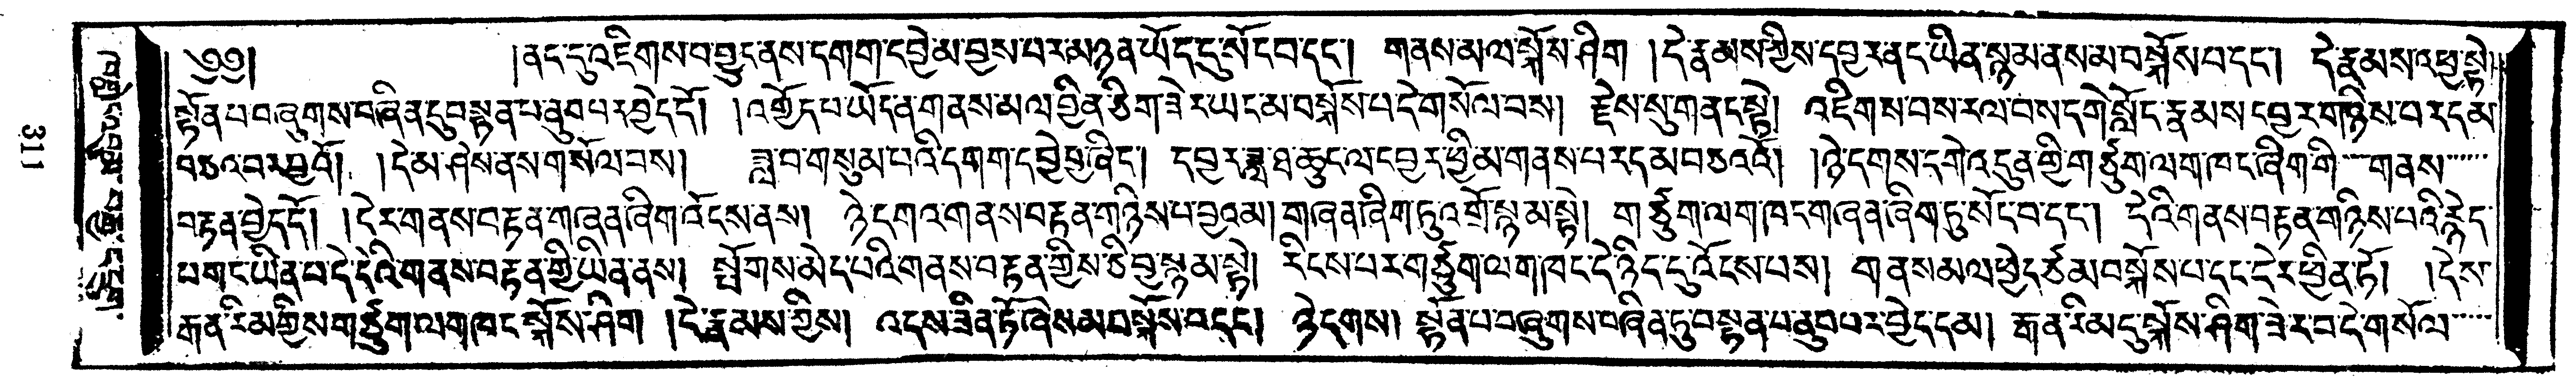༄༅། །ནང་དུ་འཇིགས་པ་བྱུང་ནས་དགག་དབྱེ་མ་བྱས་པར་མཉན་ཡོད་དུ་སོང་བ་དང་། གནས་མལ་སྐོས་ཤིག །དེ་རྣམས་ཀྱིས་དབྱར་ནང་ཡིན་སྙམ་ནས་མ་བསྐོས་པ་དང་། དེ་རྣམས་འཕྱ་སྟེ། །
སྟོན་པ་བཞུགས་བཞིན་དུ་བསྟན་པ་ནུབ་པར་བྱེད་དོ། །འགྱོད་པ་ཡོད་ན་གནས་མལ་བྱིན་ཅིག་ཟེར་ཡང་མ་བསྐོས་པ་དེ་གསོལ་བས། རྗེས་སུ་གནང་སྟེ། འཇིགས་པས་རལ་བས་དགེ་སློང་རྣམས་དབྱར་གཉིས་པར་དམ་
བཅའ་བར་བྱའོ། །དེ་མ་ཤེས་ནས་གསོལ་བས། ཟླ་བ་གསུམ་པའི་དགག་དབྱེ་བྱ་ཞིང་། དབྱར་ཟླ་ཐ་ཆུང་ལ་དབྱར་ཕྱི་མ་གནས་པར་དམ་བཅའ་འོ། །ཉེ་དགས་དགེ་འདུན་གྱི་གཙུག་ལག་ཁང་ཞིག་གི་གནས་
བརྟན་བྱེད་དོ། །དེར་གནས་བརྟན་གཞན་ཞིག་འོངས་ནས། ཉེ་དགའ་གནས་བརྟན་གཉིས་པ་བྱའམ། གཞན་ཞིག་ཏུ་འགྲོ་སྙམ་སྟེ། གཙུག་ལག་ཁང་གཞན་ཞིག་ཏུ་སོང་བ་དང་། དེའི་གནས་བརྟན་གཉིས་པའི་རྙེད་
པ་གང་ཡིན་པ་དེ་དེའི་གནས་བརྟན་གྱི་ཡིན་ནས། སྤོགས་མེད་པའི་གནས་བརྟན་གྱིས་ཅི་བྱ་སྙམ་སྟེ། རིངས་པར་གཙུག་ལག་ཁང་དེ་ཉིད་དུ་འོངས་པས། གནས་མལ་ཕྱེད་ཙམ་བསྐོས་པ་དང་དེར་ཕྱིན་ཏོ། །དེས་
རྒན་རིམ་གྱིས་གཙུག་ལག་ཁང་སྐོས་ཤིག །དེ་རྣམས་ཀྱིས། འདས་ཟིན་ཏོ་ཞེས་མ་བསྐོས་པ་དང་། ཉེ་དགས། སྟོན་པ་བཞུགས་བཞིན་ཏུ་བསྟན་པ་ནུབ་པར་བྱེད་དམ། རྒན་རིམ་དུ་སྐོས་ཤིག་ཟེར་བ་དེ་གསོལ་